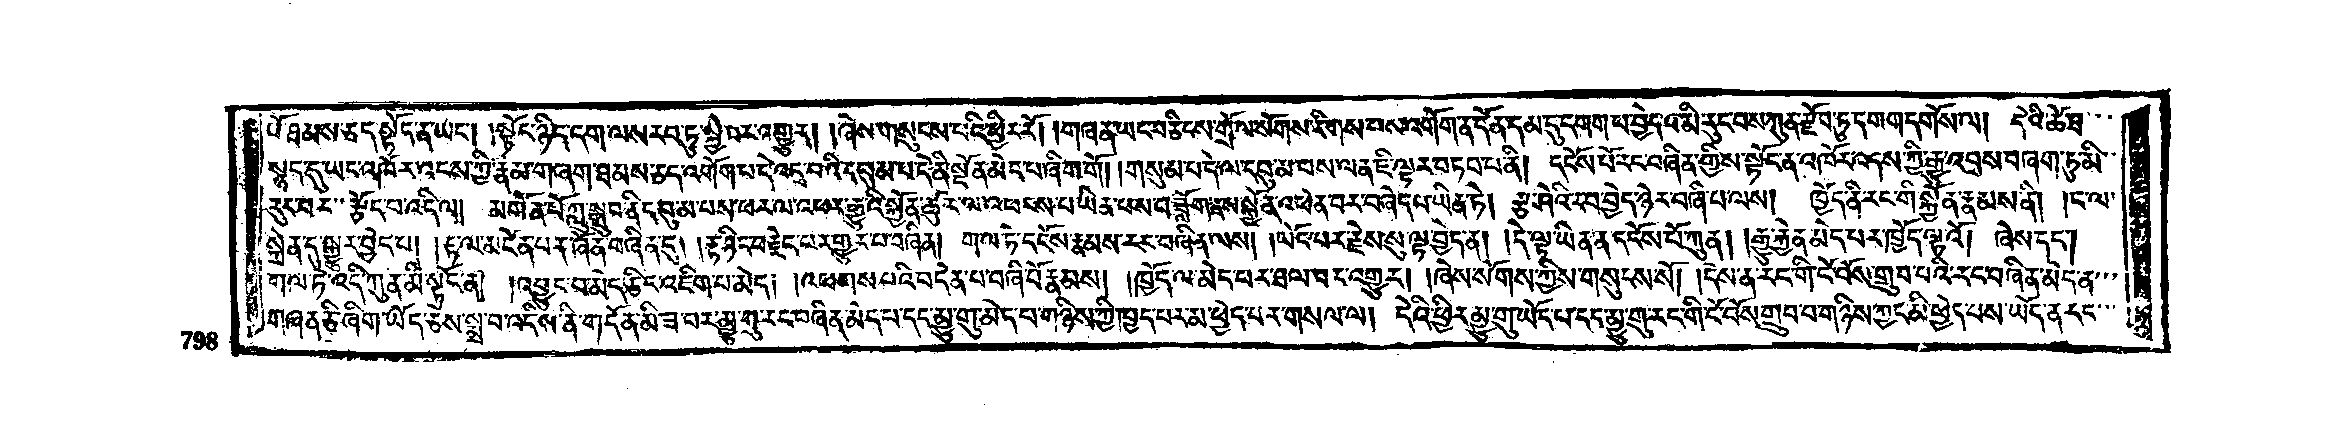པོ་ཐམས་ཅད་སྟོང་ན་ཡང་། །སྟོང་ཉིད་དག་ལས་རབ་ཏུ་སྐྱེ་བར་འགྱུར། །ཞེས་གསུངས་པའི་ཕྱིར་རོ། །གཞན་ཡང་བཅིངས་གྲོལ་སོགས་རིགས་པས་འགོག་ན་དོན་དམ་དུ་དགག་པ་བྱེད་བ་མི་རུང་བས་ཀུན་རྫོབ་ཏུ་དགག་དགོས་ལ། དེའི་ཚེ་ཐ་
སྙད་དུ་ཡང་འཁོར་འདས་ཀྱི་རྣམ་གཞག་ཐམས་ཅད་འགོག་པ་དེ་འདྲ་བའི་དབུ་མ་པ་དེ་ནི་སྔོན་མེད་པ་ཞིག་གོ། །གསུམ་པ་དེ་ལ་དབུ་མ་པས་ལན་ཇི་ལྟར་བཏབ་པ་ནི། དངོས་པོ་རང་བཞིན་གྱིས་སྟོང་ན་འཁོར་འདས་ཀྱི་རྒྱུ་འབྲས་བཞག་ཏུ་མི་
རུང་བར་རྩོད་པ་འདི་ལ། མགོན་པོ་ཀླུ་སྒྲུབ་ནི་དབུ་མ་པས་ཕར་ལ་འཕང་རྒྱུའི་སྐྱོན་ཚུར་ལ་འཕངས་པ་ཡིན་པས་བཟློག་ནས་སྐྱོན་འཕེན་པར་བཞེད་པ་ཡིན་ཏེ། རྩ་ཤེའི་རབ་བྱེད་ཉེར་བཞི་པ་ལས། ཁྱོད་ནི་རང་གི་སྐྱོན་རྣམས་ནི། །ང་ལ་
སྐྱོན་དུ་སྒྱུར་བྱེད་པ། །རྟ་ལ་མངོན་པར་ཞོན་བཞིན་དུ། །རྟ་ཉིད་བརྗེད་པར་གྱུར་པ་བཞིན། །གལ་ཏེ་དངོས་རྣམས་རང་བཞིན་ལས། །ཡོད་པར་རྗེས་སུ་ལྟ་བྱེད་ན། །དེ་ལྟ་ཡིན་ན་དངོས་པོ་ཀུན། །རྒྱུ་རྐྱེན་མེད་པར་ཁྱོད་ལྟའོ། །ཞེས་དང་།
གལ་ཏེ་འདི་ཀུན་མི་སྟོང་ན། །འབྱུང་བ་མེད་ཅིང་འཇིག་པ་མེད། །འཕགས་པའི་བདེན་པ་བཞི་པོ་རྣམས། །ཁྱོད་ལ་མེད་པར་ཐལ་བར་འགྱུར། །ཞེས་སོགས་ཀྱིས་གསུངས་སོ། །དེས་ན་རང་གི་ངོ་བོས་གྲུབ་པའི་རང་བཞིན་མེད་ན་
གཞན་ཅི་ཞིག་ཡོད་ཅེས་སྨྲ་བ་འདིས་ནི་གདོན་མི་ཟ་བར་མྱུ་གུ་རང་བཞིན་མེད་པ་དང་མྱུ་གུ་མེད་པ་གཉིས་ཀྱི་ཁྱད་པར་མ་ཕྱེད་པར་གསལ་ལ། དེའི་ཕྱིར་མྱུ་གུ་ཡོད་པ་དང་མྱུ་གུ་རང་གི་ངོ་བོས་གྲུབ་པ་གཉིས་ཀྱང་མི་ཕྱེད་པས་ཡོད་ན་རང་